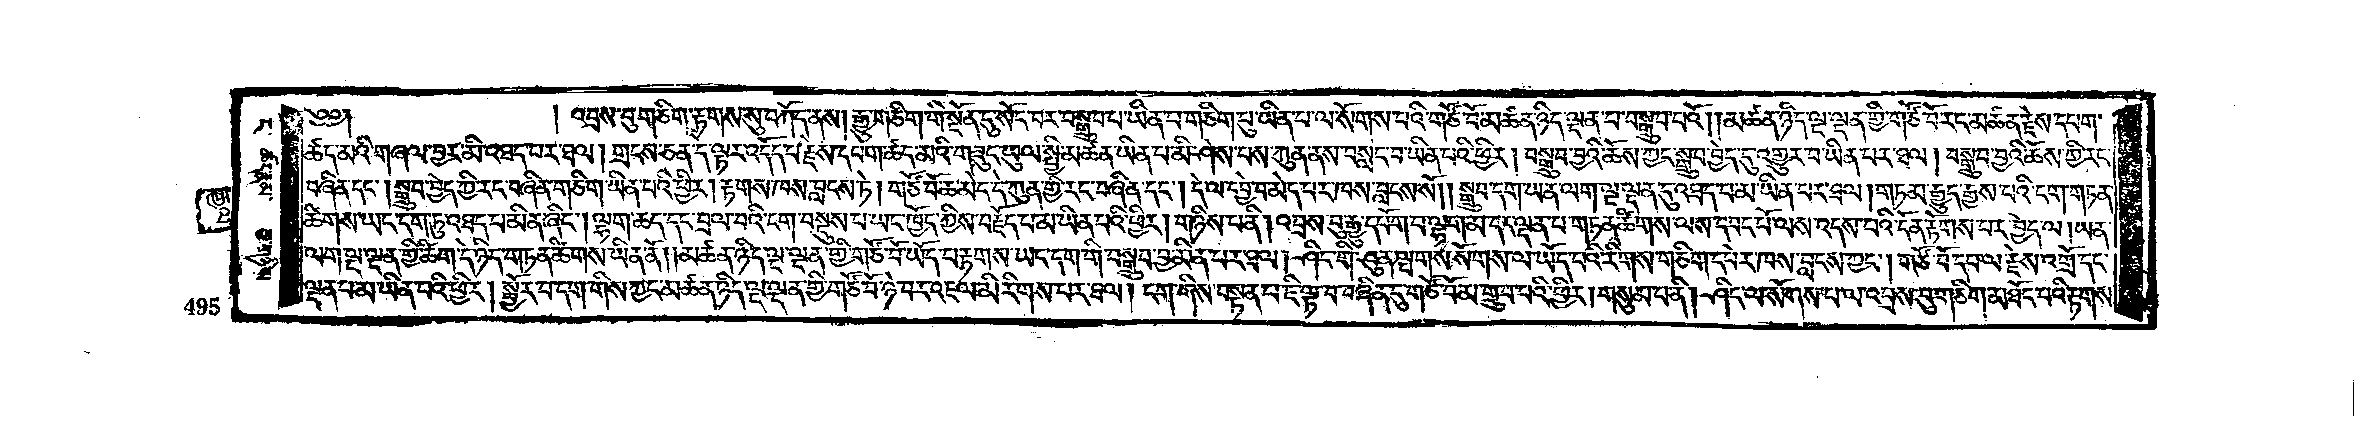༄༅། །འབྲས་བུ་གཅིག་རྟགས་སུ་བཀོད་ནས། རྒྱུ་གཅིག་གི་སྔོན་དུ་སོང་བར་བསྒྲུབ་པ་ཡིན་པ་གཅིག་པུ་ཡིན་པ་ལ་སོགས་པའི་གཙོ་བོ་མཚན་ཉིད་ལྡན་པ་བསྒྲུབ་པའོ། །མཚན་ཉིད་ལྔ་ལྡན་གྱི་གཙོ་བོ་རང་མཚན་རྗེས་དཔག་
ཚད་མའི་གཞལ་བྱར་མི་འཐད་པར་ཐལ། གྲངས་ཅན་དེ་ལྟར་འདོད་པ་རྗེས་དཔག་ཚད་མའི་གཟུང་ཡུལ་སྤྱི་མཚན་ཡིན་པ་མི་ཤེས་པས་ཀུན་ནས་བསླང་བ་ཡིན་པའི་ཕྱིར། བསྒྲུབ་བྱའི་ཆོས་ཀྱང་སྒྲུབ་བྱེད་དུ་འགྱུར་བ་ཡིན་པར་ཐལ། བསྒྲུབ་བྱའི་ཆོས་ཀྱི་རང་
བཞིན་དང་། སྒྲུབ་བྱེད་ཀྱི་རང་བཞིན་གཅིག་ཡིན་པའི་ཕྱིར། རྟགས་ཁས་བླངས་ཏེ། གཙོ་བོ་ཆ་མེད་དེ་ཀུན་གྱི་རང་བཞིན་དང་། དེ་ལ་དབྱེ་བ་མེད་པར་ཁས་བླངས་སོ། །སྒྲུབ་དག་ཡན་ལག་ལྔ་ལྡན་དུ་འཐད་པ་མ་ཡིན་པར་ཐལ། གཏམ་རྒྱུ༨ད་རྒྱས་པའི་ངག་གཏན་
ཚིགས་ཡང་དག་ཏུ་འཐད་པ་མིན་ཞིང་། ལྷག་ཆད་དང་བྲལ་བའི་ངག་བསྡུས་པ་ཡང་ཁྱོད་ཀྱིས་བརྗོད་པ་མ་ཡིན་པའི་ཕྱིར། གཉིས་པ་ནི། འབྲས་བུ་རྒྱུ་དཔོག་པ་ལྷག་མ་དང་ལྡན་པ་གཏན་ཚིགས་ལས་དབང་པོ་ལས་འདས་པའི་དོན་རྟོགས་པར་བྱེད་ལ། ཡན་
ལག་ལྔ་ལྡན་གྱི་ཚིགས་དེ་ཉིད་གཏན་ཚིགས་ཡིན་ནོ། །མཚན་ཉིད་ལྔ་ལྡན་གྱི་གཙོ་བོ་ཡོད་བརྟགས་ཡང་དག་གི་བསྒྲུབ་བྱ་མིན་པར་ཐལ། ཤིང་གི་ཤུན་ལྤགས་སོགས་ལ་ཡོད་པའི་རིགས་གཅིག་དཔེར་ཁས་བླངས་ཀྱང་། གཙོ་བོ་དཔལ་རྗེས་འགྲོ་དང་
ལྡན་པ་མ་ཡིན་པའི་ཕྱིར། སྦྱོར་བ་དག་གིས་ཀྱང་མཚན་ཉིད་ལྔ་ལྡན་གྱི་གཙོ་བོ་ཉེ་བར་འཇལ་མི་རིགས་པར་ཐལ། ངག་གིས་བསྟན་པ་ཇི་ལྟ་བ་བཞིན་དུ་གཙོ་བོ་མ་གྲུབ་པའི་ཕྱིར། གསུམ་པ་ནི། ཤིང་ལ་སོགས་པ་ལ་འབྲས་བུ་གཅིག་མཐོང་བའི་རྟགས་